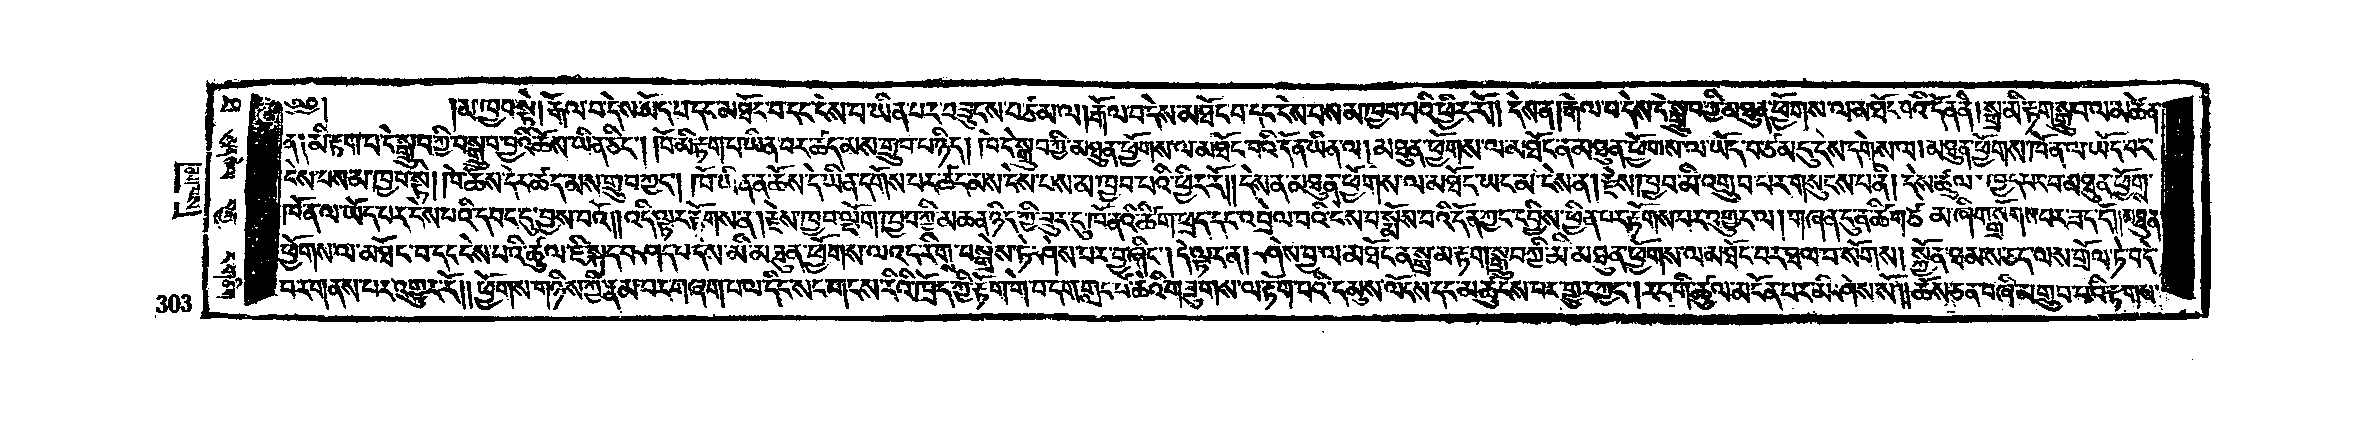༄༅། །མ་ཁྱབ་སྟེ། རྒོལ་བ་དེས་ཡོད་པ་དང་མཐོང་བ་དང་ངེས་པ་ཡིན་པར་བཟུངས་བ་ཙམ་ལ། རྒོལ་བ་དེས་མཐོང་བ་དང་ངེས་པས་མ་ཁྱབ་པའི་ཕྱིར་རོ། །དེས་ན། རྒོལ་བ་དེས་དེ་སྒྲུབ་ཀྱི་མཐུན་ཕྱོགས་ལ་མཐོང་བའི་དོན་ནི། སྒྲ་མི་རྟག་སྒྲུབ་ལ་མཚོན་
ན༑ མི་རྟག་པ་དེ་སྒྲུབ་ཀྱི་བསྒྲུབ་བྱའི་ཆོས་ཡིན་ཅིང་། ཁོ་མི་རྟག་པ་ཡིན་པར་ཚད་མས་གྲུབ་པ་ཉིད། ཁོ་དེ་སྒྲུབ་ཀྱི་མཐུན་ཕྱོགས་ལ་མཐོང་བའི་དོན་ཡིན་ལ། མཐུན་ཕྱོགས་ལ་མཐོང་ན་མཐུན་ཕྱོགས་ལ་ཡོད་པ་ཙམ་དུ་དེས་དགེས་ལ། མཐུན་ཕྱོགས་ཁོ་ན་ལ་ཡོད་པར་
ངེས་པས་མ་ཁྱབ་སྟེ། ཁོ་ཆོས་དེར་ཚད་མས་གྲུབ་ཀྱང་། ཁོ་ཡིན་ན་ཆོས་དེ་ཡིན་དགོས་པར་ཚད་མས་ངེས་པས་མ་ཁྱབ་པའི་ཕྱིར་རོ། །དེས་ན་མཐུན་ཕྱོགས་ལ་མཐོང་ཡང་མ་ངེས་ན། རྗེས་ཁྱབ་མི་འགྲུབ་པར་གསུངས་པ་ནི། དེས་ཚུལ་ཁྱད་པར་བ་མཐུན་ཕྱོགས་
ཁོ་ན་ལ་ཡོད་པར་ངེས་པའི་དབང་དུ་བྱས་པའོ། །འདི་ལྟར་རྟོགས་ན། རྗེས་ཁྱབ་ལྡོག་ཁྱབ་ཀྱི་མཚན་ཉིད་ཀྱི་ཟུར་དུ་ཁོ་ནའི་ཚིག་ཕྲད་དང་འབྲེལ་བའི་ངེས་པ་སྨོས་པའི་དོན་ཀྱང་དབྱིས་ཕྱིན་པར་རྟོགས་པར་འགྱུར་ལ། གཞན་དུ་ན་ཚིག་ཙམ་ཞིག་སྒྲོགས་པར་ཟད་དོ། །མཐུན་
ཕྱོགས་ལ་མཐོང་བ་དང་ངེས་པའི་ཚུལ་ཇི་སྐད་བཤད་པ་དེས་མི་མཐུན་ཕྱོགས་ལའང་རིགས་བསྒྲེས་ཏེ་ཤེས་པར་བྱ་ཞིང་། དེ་ལྟར་ན། ཤེས་བྱ་ལ་མཐོང་ན་སྒྲ་མི་རྟག་སྒྲུབ་ཀྱི་མི་མཐུན་ཕྱོགས་ལ་མཐོང་བར་ཐལ་བ་སོགས། སྐྱོན་ཐམས་ཅད་ལས་གྲོལ་ཏེ་བདེ་
བར་གནས་པར་འགྱུར་རོ། །ཕྱོགས་གཉིས་ཀྱི་རྣམ་པར་གཞག་པ་ལ་དིང་སང་གངས་རིའི་ཁྲོད་ཀྱི་རྟོག་གེ་བ་དག་གླང་པོ་ཆེའི་གཟུགས་ལ་རྟོག་པའི་དམུས་ལོངས་དང་མཚུངས་པར་གྱུར་ཀྱང་། རང་གི་ཚུལ་མངོན་པར་མི་ཤེས་སོ། །ཆོས་ཅན་བཞི་མ་གྲུབ་པའི་རྟགས་